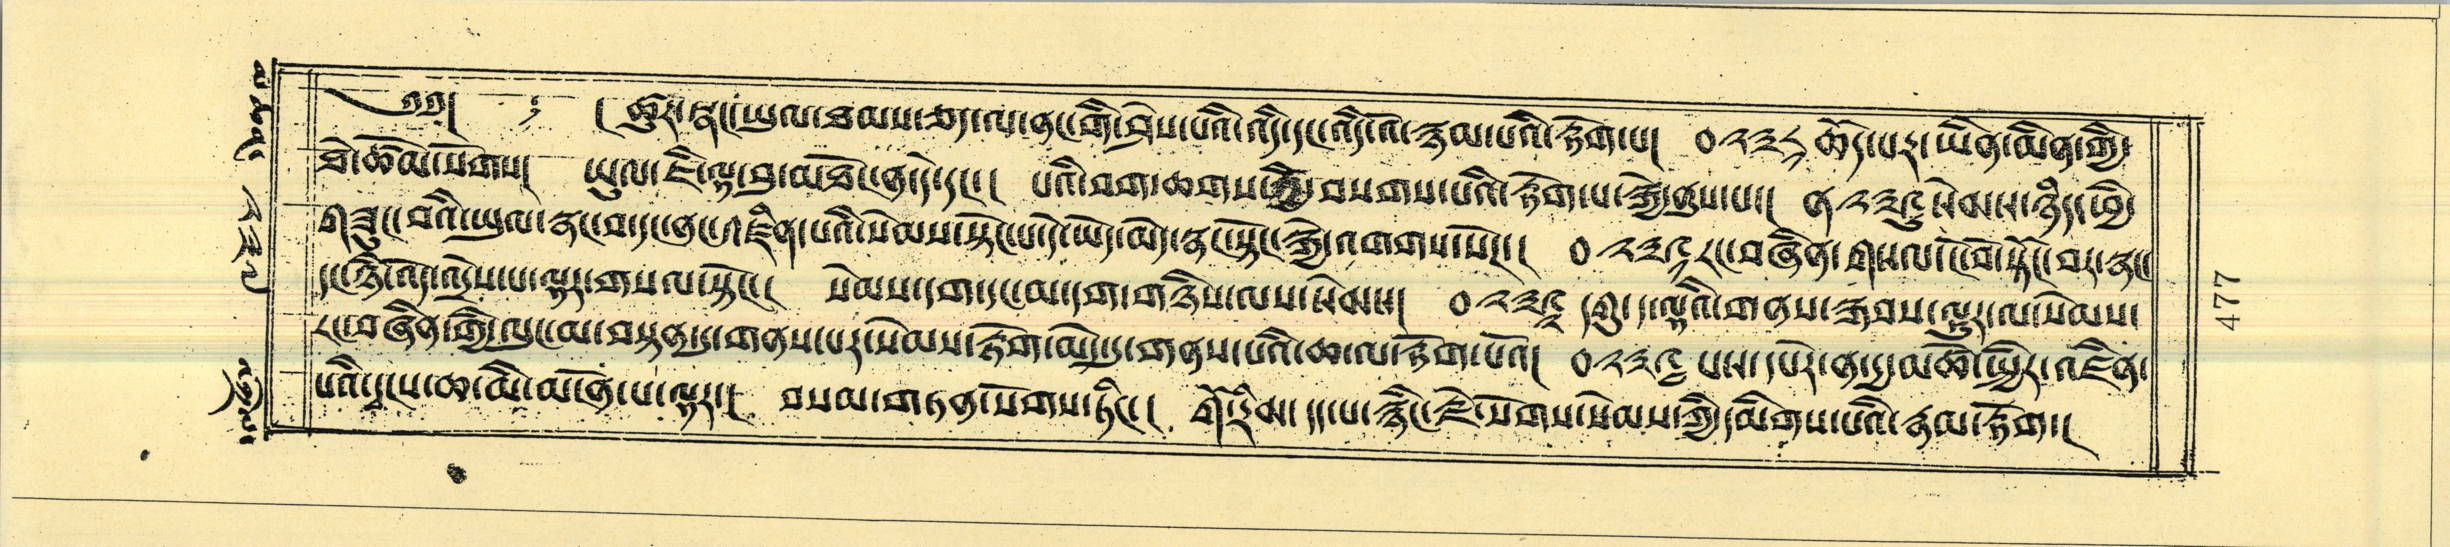ཚུར་སྣང་ཡུལ་ཐམས་ཅད་ལ་ནང་གི་ཤེས་པའི་འདི་དང་འདིའོ་སྙམ་པའི་རྟོག་པ་ བ༢༣༨།༡ཆོད་པར་ཡིན་མིན་གྱི་
ཐེ་ཚོམ་སོགས་ ཡུལ་ཇི་ལྟ་བུ་མཐོང་ན་དེ་དང་ པའི་བག་ཆགས་བསགས་པའི་རྟོག་པ་སྐྱེ་ནུས་པ་ ན༢༣༩།༦སེམས་ཉིད་ཕྱི་
གཟུང་བའི་ཡུལ་སྣང་བ་དང་ནང་འཛིན་པའི་སེམས་སྟོང་པ་དེ་ཡོད་མེད་སྣང་སྟོང་སྐྱེ་འགག་སོགས་ བ༢༣༩།༡རང་བཞིན་གསལ་ངོ་བོ་སྟོང་བར་སྣང་
དང་ཉི་འོད་འདྲེས་པ་ལྟར་གསལ་སྟོང་། སེམས་དག་དང་མ་དག་གཉིས་ལས་སེམས་ བ༢༣༩།༢དགུ་ད་ལྟའི་གནས་སྐབས་ལྟ་བུ་ལ་སེམས་
རང་བཞིན་གྱི་ལུང་མ་བསྟན་དུ་གནས་པར་སེམས་རྟོག་མེད་དུ་གནས་པའི་ཆ་ལ་རྟོག་པའོ། བ༢༣༩།༤པས་དཔེར་ན་རྒྱ་མཚོ་སྤྱིར་འཛིན་
པའི་དངས་མ་མི་མངོན་པ་ལྟར། བསམ་གཏན་སོགས་ཏིང་། གོ་རིམ་དད་པ་སྙིང་རྗེ་སོགས་སེམས་ཀྱི་དམིགས་པའི་རྣམ་རྟོག་